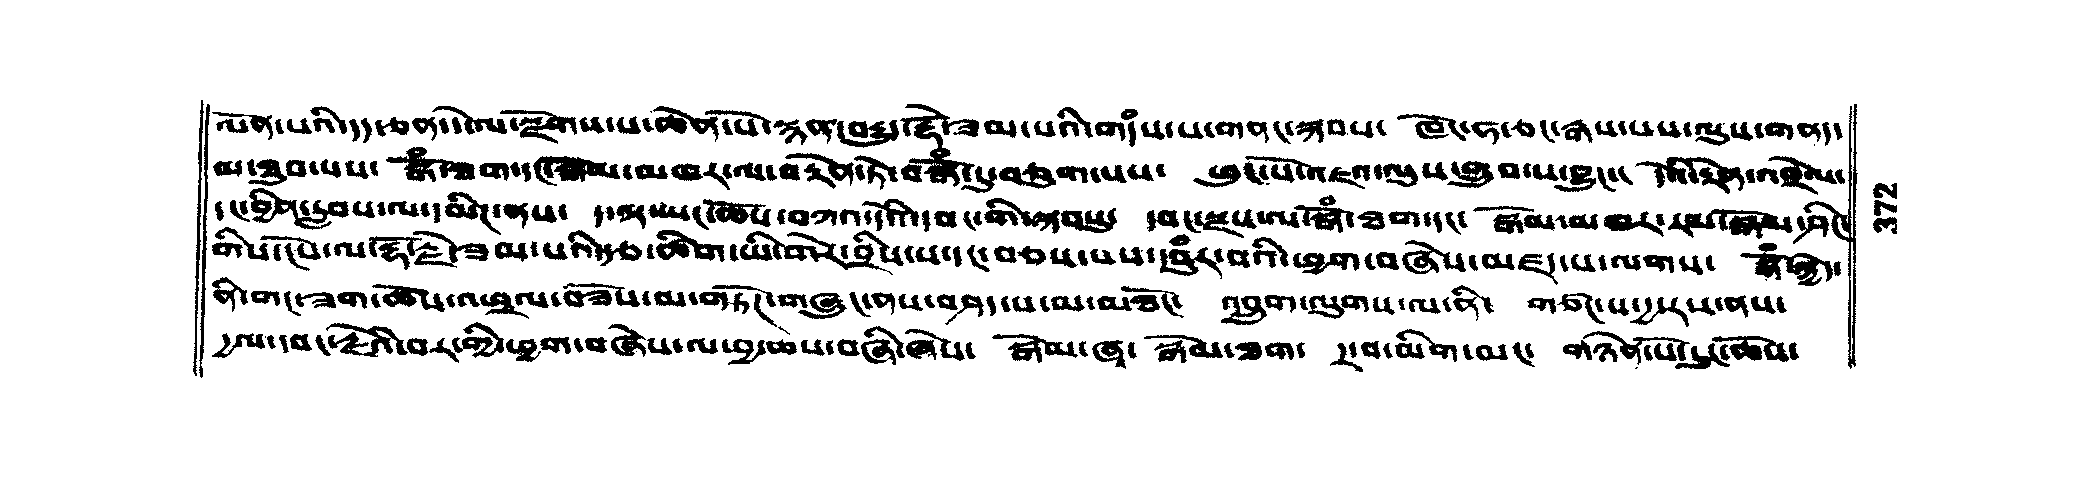ལོན་པའི་དད་ཅན་དེ་ལ་རྫོགས་པ་ཆེན་པོ་སྙན་བརྒྱུད་རྡོ་རྗེ་ཟམ་པའི་གདམས་པ་གནང་སྐབས། ཁོང་ཧ་ཅང་རྒས་པས་ལུས་གནད་
མ་ཐུབ་པས། སྒོམ་ཐག་དང་སྒོམ་མཁར་ལ་བརྟེན་ཏེ་བསྒོམ་དུ་བཅུག་པས། ཕུང་པོ་འཇའ་ལུས་གྲུབ་པ་བྱུང་། དེའི་རྟེན་འབྲེལ་
དང་བྱིན་རླབས་ལ་དམིགས་ནས། ད་ལྟ་ཡང་ཆོས་བཀའ་དེའི་དབང་གི་སྐབས་སུ། དབང་རྫས་ལ་སྒོམ་ཐག་དང་། སྒོམ་མཐར་རམ་སྒོམ་ཤིང་
གིས་ངེས་ལ་རྡོ་རྗེ་ཟམ་པའི་རྩ་ཚིག་ཡི་གེར་བྲིས་པ་དང་བཅས་པས་དབུ་མར་བའི་ཕྱག་བཞེས་མཛད་པ་ལགས། སྒོམ་སྐྱེད་
ནི་གང་ཟག་ཆོས་འཕྲལ་བཟོས་མ་གཏོགས་གཞུང་ནས་བཤད་པ་མ་མཐོང་། འབྲུག་ལུགས་ལ་ནི། གཙང་པ་རྒྱ་རས་ནས་
རྒྱལ་དབང་རྗེའི་བར་གྱི་ཕྱག་བཞེས་ལ་བྱ་ཆས་བཞི་ཞེས། སྒོམ་ཞྭ། སྒོམ་ཐག དྲ་བ་མི་མང་། གཉེར་པོ་དུང་ཆོས་